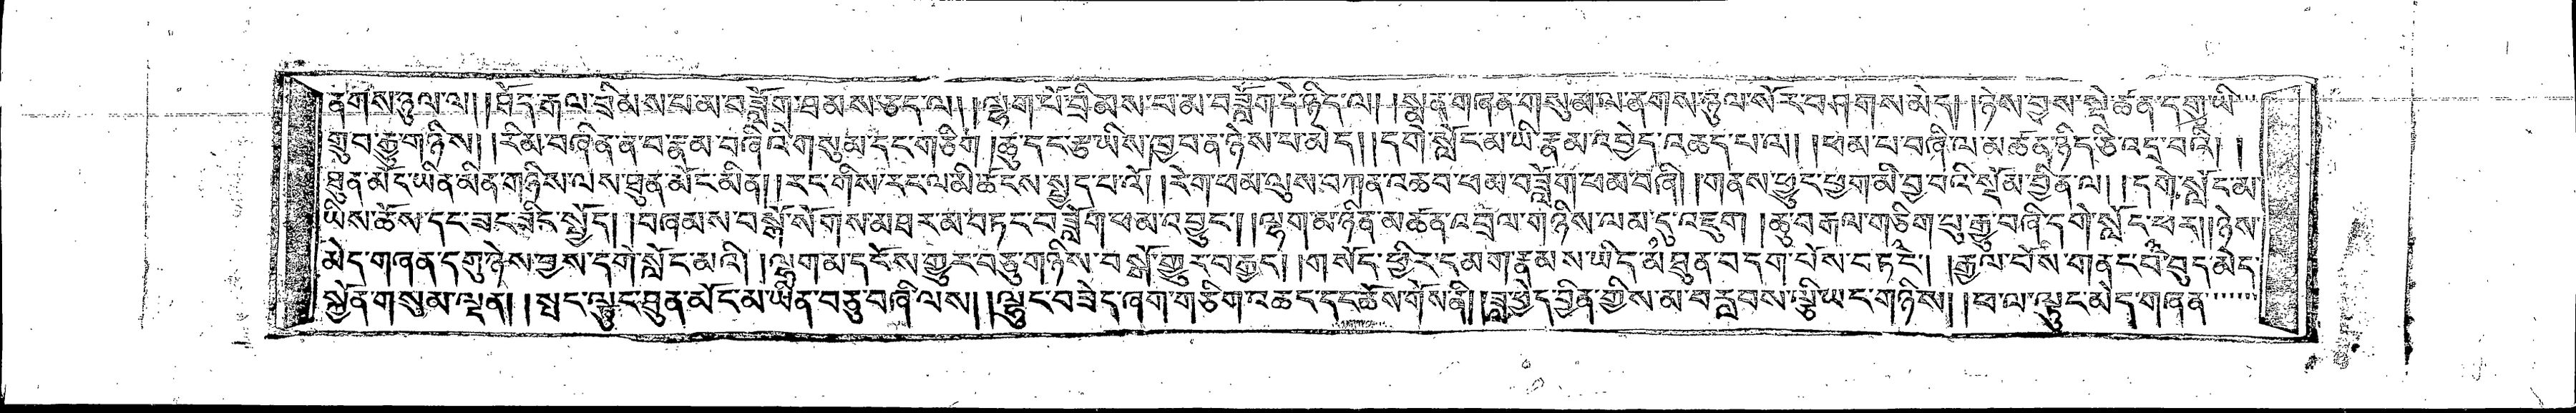ནགས་ཉུལ་ལ། །ཐོད་རྒལ་བྲིམས་པ་མ་བཟློག་ཐམས་ཅད་ལ། །ལྷག་པོ་བྲིམས་པ་མ་བཟློག་དེ་ཉིད་ལ། །སྨན་གཞན་གསུམ་ལ་ནགས་ཉུལ་སོར་བཤགས་མེད། །ཉེས་བྱས་སྡེ་ཚན་དགུ་ཡི་
གྲུབ་རྒྱུ་གཉིས། །རིམ་བཞིན་ན་བ་རྣམ་བཞིའི་གསུམ་དང་གཅིག །ཆུ་དང་རྩ་ཡིས་ཁྱབ་ན་ཉེས་པ་མེད། །དགེ་སློང་མ་ཡི་རྣམ་འབྱེད་འཆད་པ་ལ། །ཕམ་པ་བཞི་ལ་མཚན་ཉིད་ཅི་འདྲ་བའི། །
ཐུན་མོང་ཡིན་མིན་གཉིས་ལས་ཐུན་མོང་མིན། །རང་གིས་རང་ལ་མི་ཚངས་སྤྱད་པ་འོ། །རེག་ཕམ་ལུས་བཀན་འཆབ་ཕམ་བཟློག་ཕམ་བཞི། །གནས་ཕྱུང་ཕྱག་མི་བྱ་བའི་སྡོམ་བྱིན་ལ། །དགེ་སློང་མ་
ཡིས་ཆོས་དང་ཟང་ཟིང་སྤྱོད། །བཞམས་བསྒོ་སོགས་མཐར་མ་བཏང་བཟློག་ཕམ་འབྱུང་། །ལྷག་མ་ཉིན་མཚན་འབྲལ་གཉིས་ལམ་དུ་འཇུག །ཆུ་བརྒལ་གཅིག་པུ་རྒྱུ་བཞི་དགེ་སློང་ཕར། །ཉེས་
མེད་གཞན་དགུ་ཉེས་བྱས་དགེ་སློང་མའི། །ལྷག་མ་དངོས་གྱུར་བཅུ་གཉིས་བསྒོ་གྱུར་བརྒྱད། །གསོད་ཕྱིར་དམག་རྣམས་ཡིད ༡་མཐུན་བདག་པོས་བཏང ༢། །རྒྱལ་པོས་གནང་བ ༣་བུད་མེད་
སྐྱོན་གསུམ་ལྡན། །སྤང་ལྟུང་ཐུན་མོང་མ་ཡིན་བཅུ་བཞི་ལས། །ལྷུང་བཟེད་ཞག་གཅིག་འཆང་དང་ཆོས་གོས་ནི། །ཟླ་ཕྱེད་བྱིན་གྱིས་མ་བརླབས་ལྕི་ཡང་གཉིས། །ཕ་ལ་ལྟུང་མེད་གཞན་